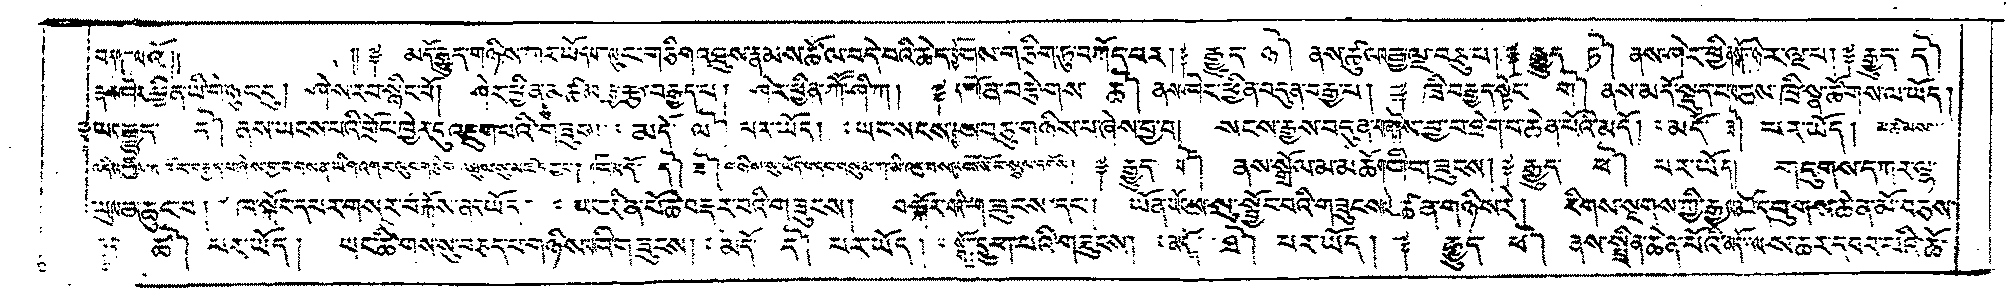བདག་ལའོ།། །། ༈ མདོ་རྒྱུད་གཉིས་ཀར་ཡོད་པ་ལུང་གཅིག་འཐུས་རྣམས་ཚོལ་བདེ་བའི་ཆེད་ཕྱོགས་གཅིག་ཏུ་བཀོད་པར། འ་རྒྱུད་ཉ}་ནས་ཚུལ་བརྒྱ་ལྔ་བཅུ་པ། ༈ རྒྱུད་ཏ}་ནས་ཤེར་ཕྱིན་སྒོ་ཉེར་ལྔ་པ། ༈ རྒྱུད་ད}
ནས་ཤེར་ཕྱིན་ཡི་གེ་ཉུང་དུ། ཤེས་རབ་སྙིང་པོ། ཤེར་ཕྱིན་མཚན་བརྒྱ་རྩ་བརྒྱད་པ། ཤེར་ཕྱིན་ཀཽ་ཤི་ཀ། འ་དཀོན་བརྩེགས་ཆ}་ནས་ཤེར་ཕྱིན་བདུན་རྒྱ་པ། འ་ཁྲི་བརྒྱད་སྟོང་ག}་ནས་མདོ་སྡུད་པ་བཅས་ཁྲི་སྣ་ཚོགས་ལ་ཡོད།
ཡང་རྒྱུད་ད}་ནས་ཡངས་པའི་གྲོང་ཁྱེར་དུ་འཇུག་པའི་གཟུངས། ༧་མདོ་ལ}་པར་ཡོད ༧་ཡང་སངས་རྒྱས་བཅུ་གཉིས་པ་ཞེས་བྱ་བ། སངས་རྒྱས་བདུན་པ་ཞེས་བྱ་བ་ཐེག་པ་ཆེན་པོའི་མདོ། ༧་མདོ་ཟ}་པར་ཡོད། མཚམས་
འདིར་དཀྱིལ་འཁོར་བརྒྱད་པ་ཞེས་བྱ་བ་གསན་ཡིག་འགར་ལུང་གཅིག་འཐུས་སུ་མཛད་ཀྱང་། འདི་མདོ་ད}་ཟ}་གཉིས་སུ་ཡོད་པ་དང་གསུམ་ཀ་མི་འདྲ་བས་ལུང་སོ་སོར་སྩལ་དགོས། ༈ རྒྱུད་པ}་ནས་སྒྲོལ་མ་མཆོག་གི་གཟུངས། འ་རྒྱུད་ཕ}་པར་ཡོད། གདུགས་དཀར་ལྷ་
ཡུལ་མ་ཆུང་བ། ༧་ཁ་སྐོང་དཔར་གསར་བརྐོས་ནང་ཡོད། ༧་ཡང་རིན་པོ་ཆེ་བརྡར་བའི་གཟུངས། བསྐོར་བའི་གཟུངས་དང་། ཡོན་ཡོངས་སུ་སྦྱོང་བའི་གཟུངས་ལེ་ཚན་གཉིས་རེ། རིགས་སྔགས་ཀྱི་རྒྱལ་མོ་དབུགས་ཆེན་མོ་བཅས་
རྒྱུད་ཚ}་པར་ཡོད། ཡང་ཚིགས་སུ་བཅད་པ་གཉིས་པའི་གཟུངས། ༧་མདོ་ད}་པར་ཡོད། ༧་སྒོ་དྲུག་པའི་གཟུངས། ༧་མདོ་ཐ}་པར་ཡོད། ༈ རྒྱུད་ཕ}་ནས་སྤྲིན་ཆེན་པོའི་མདོ་ལས་ཆར་དབབ་པའི་ཆོ་